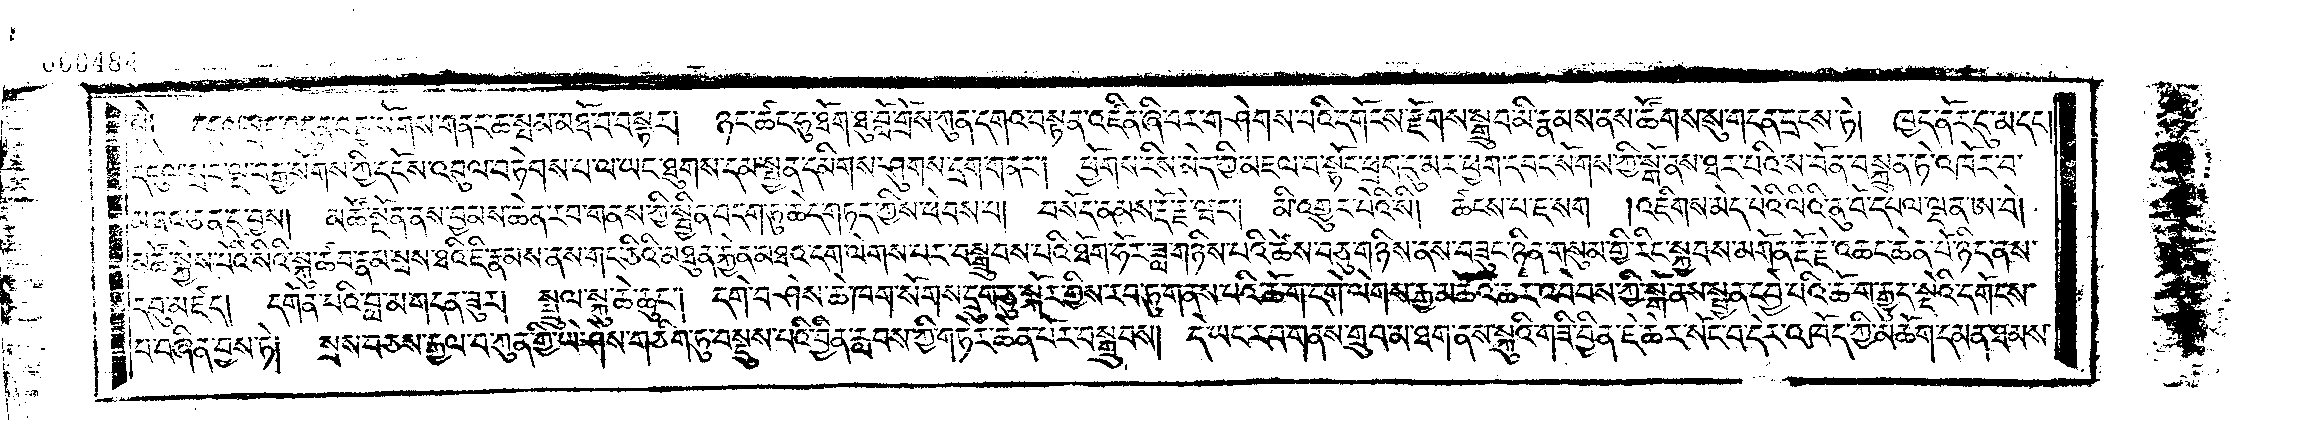སྟེ༑ དངུལ་སྲང་བདུན་བརྒྱ་སོགས་གནང་ཆ་སྤམ་མཐོ་བ་བསྟར། ཉང་ཚང་ཧུ་ཐོག་ཐུ་བློ་གྲོས་ཀུན་དགའ་བསྟན་འཛིན་ཞི་བར་གཤེགས་པའི་དགོངས་རྫོགས་སྒྲུབ་མི་རྣམས་ནས་ཚོགས་སུ་གདན་དྲངས་ཏེ། ཁྱད་ནོར་དུ་མ་དང་།
དངུལ་སྲང་ལྔ་བརྒྱ་སོགས་ཀྱི་དངོས་འབུལ་བཏེགས་པ་ལ་ཡང་ཐུགས་དམ་སྤྱན་དམིགས་ཤུགས་དྲག་གནང་། ཕྱོགས་རིས་མེད་ཀྱི་མཇལ་བ་སྟོང་ཕྲག་དུ་མར་ཕྱག་དབང་སོགས་ཀྱི་སྒོ་ནས་ཐར་པའི་ས་བོན་བསྐྲུན་ཏེ་འཁོར་བ་
མཐའ་ཅན་དུ་བྱས། མཚོ་སྔོན་ནས་བྱམས་ཆེན་རབ་གནས་ཀྱི་སྦྱིན་བདག་ཏུ་ཆེད་གཏད་ཀྱིས་ཕེབས་པ། བསོད་ནམས་རྡོ་རྗེ་ཝང་། མི་འགྱུར་པེའི་སི། ཚངས་པ་ཇ་སག །འཇིགས་མེད་པེའི་ལིའི་ནུ་བོ་དཔལ་ལྡན་ཨ་བེ།
མཚོ་སྐྱེས་པེའི་སིའི་སྐུ་ཚབ་རྣམ་སྲས་ཐའི་ཇི་རྣམས་ནས་གང་ཅིའི་མཐུན་རྐྱེན་མཐའ་དག་ལེགས་པར་བསྒྲུབས་པའི་ཐོག་ཧོར་ཟླ་གཉིས་པའི་ཚེས་བཅུ་གཉིས་ནས་བཟུང་ཉིན་གསུམ་གྱི་རིང་སྐྱབས་མགོན་རྡོ་རྗེ་འཆང་ཆེན་པོ་ཉིད་ནས་
དབུ་མཛད། དགོན་པའི་བླ་མ་གདན་ཟུར། སྤྲུལ་སྐུ་ཆེ་ཆུང་། དགེ་བཤེས་ཆེ་ཁག་སོགས་དྲུག་ཅུ་སྐོར་གྱིས་རབ་ཏུ་གནས་པའི་ཆོ་ག་དགེ་ལེགས་རྒྱ་མཚོའི་ཆར་འབེབས་ཀྱི་སྒོ་ནས་སྤྱན་དབྱེ་པའི་ཆོ་ག་རྒྱུད་སྡེའི་དགོངས་
པ་བཞིན་བྱས་ཏེ། སྲས་བཅས་རྒྱལ་བ་ཀུན་གྱི་ཡེ་ཤེས་གཅིག་ཏུ་བསྡུས་པའི་བྱིན་རླབས་ཀྱི་གཏེར་ཆེན་པོར་བསྒྲུབས། དེ་ཡང་རབ་གནས་གྲུབ་མ་ཐག་ནས་སྐུའི་གཟི་བྱིན་ཇེ་ཆེར་སོང་བ་དེར་འཁོད་ཀྱི་མཆོག་དམན་ཐམས་